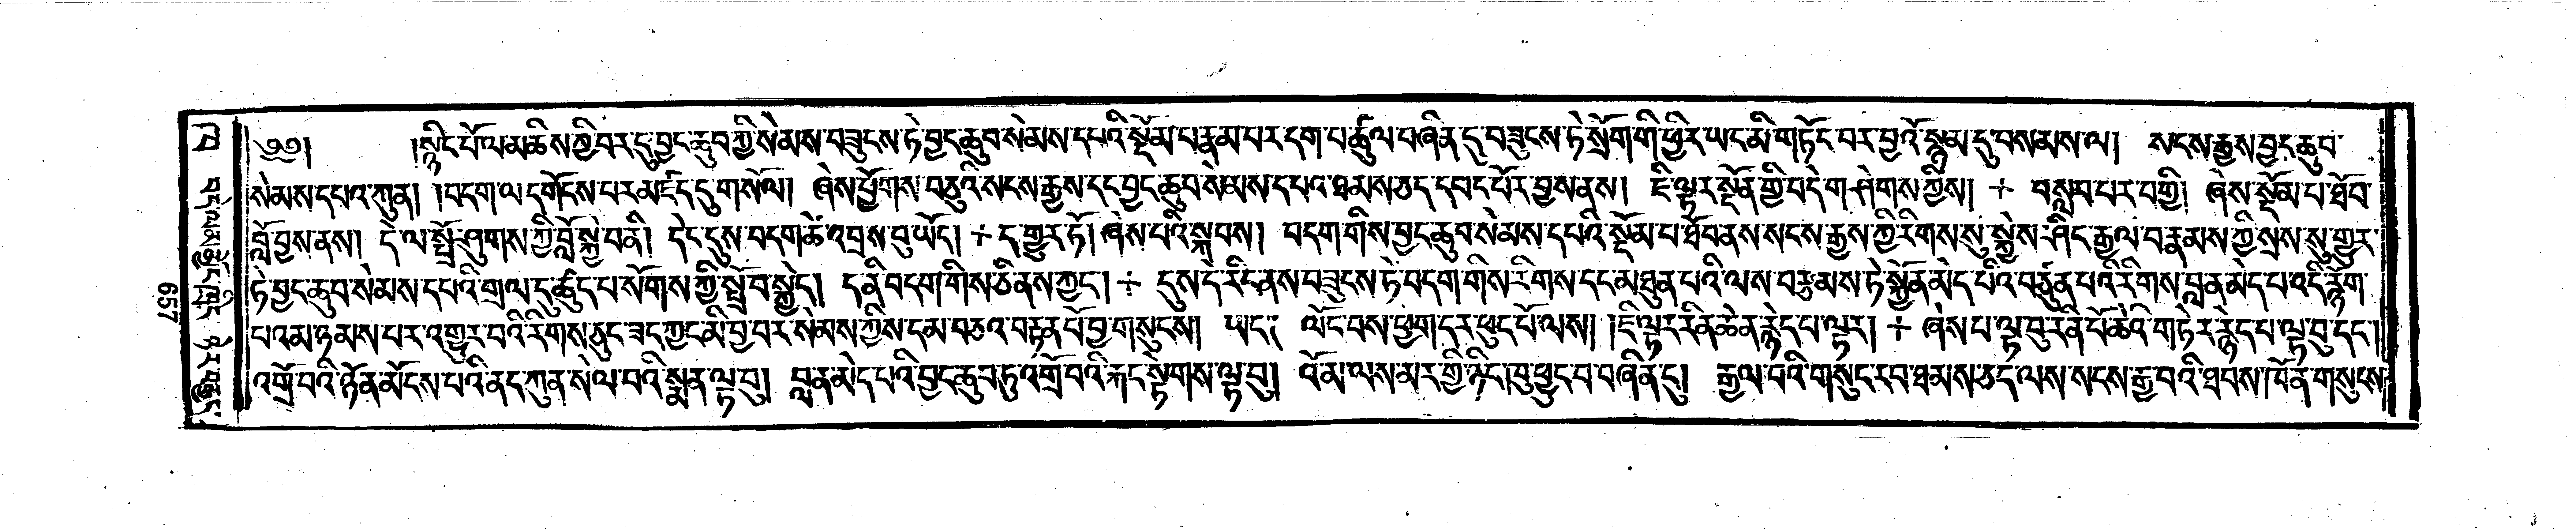༄༅། །སྙིང་པོ་ལ་མཆིས་ཀྱི་བར་དུ་བྱང་ཆུབ་ཀྱི་སེམས་བཟུངས་ཏེ་བྱང་ཆུབ་སེམས་དཔའི་སྡོམ་པ་རྣམ་པར་དག་པ་ཚུལ་བཞིན་དུ་བཟུངས་ཏེ་སྲོག་གི་ཕྱིར་ཡང་མི་གཏོང་བར་བྱའོ་སྙམ་དུ་བསམས་ལ། སངས་རྒྱས་བྱང་ཆུབ་
སེམས་དཔའ་ཀུན། །བདག་ལ་དགོངས་པར་མཛད་དུ་གསོལ། ཞེས་ཕྱོགས་བཅུའི་སངས་རྒྱས་དང་བྱང་ཆུབ་སེམས་དཔའ་ཐམས་ཅད་དབང་པོར་བྱས་ནས། ཇི་ལྟར་སྔོན་གྱི་བདེ་གཤེགས་ཀྱིས། +་བསླབ་པར་བགྱི། ཞེས་སྡོམ་པ་ཐོབ་
བློ་བྱས་ནས། དེ་ལ་སྤྲོ་ཤུགས་ཀྱི་བློ་སྐྱེ་བ་ནི། དེང་དུས་བདག་ཚེ་འབྲས་བུ་ཡོད། +་ད་གྱུར་ཏོ། ཞེས་པའི་སྐབས། བདག་གིས་བྱང་ཆུབ་སེམས་དཔའི་སྡོམ་པ་ཐོབ་ནས་སངས་རྒྱས་ཀྱི་རིགས་སུ་སྐྱེས་ཤིང་རྒྱལ་བ་རྣམས་ཀྱི་སྲས་སུ་གྱུར་
ཏེ་བྱང་ཆུབ་སེམས་དཔའི་གྲལ་དུ་ཚུད་པ་སོགས་ཀྱི་སྤྲོ་བ་སྐྱེད། ད་ནི་བདག་གིས་ཅི་ནས་ཀྱང་། +་དུས་དེ་རིང་ནས་བཟུངས་ཏེ་བདག་གིས་རིགས་དང་མཐུན་པའི་ལས་བརྩམས་ཏེ་སྐྱོན་མེད་པའི་བཙུན་པའི་རིགས་བླ་ན་མེད་པ་འདི་རྙོག་
པའམ་ཉམས་པར་འགྱུར་བའི་རིགས་ཅུང་ཟད་ཀྱང་མི་བྱ་བར་སེམས་ཀྱིས་དམ་བཅའ་བརྟེན་པོ་བྱ་གསུངས། ཡང༑ ལོང་བས་ཕྱག་དར་ཕུང་པོ་ལས། །ཇི་ལྟར་རིན་ཆེན་རྙེད་པ་ལྟར། +་ཞེས་པ་ལྟ་བུ་རིན་པོ་ཆེའི་གཏེར་རྙེད་པ་ལྟ་བུ་དང་།
འགྲོ་བའི་ཉོན་མོངས་པའི་ནད་ཀུན་སེལ་བའི་སྨན་ལྟ་བུ། བླ་ན་མེད་པའི་བྱང་ཆུབ་ཏུ་འགྲོ་བའི་རྐང་སྟེགས་ལྟ་བུ། འོ་མ་ལས་མར་གྱི་ཉིང་ཁུ་ཕྱུང་བ་བཞིན་དུ། རྒྱལ་ཨཱི་གསུང་རབ་ཐམས་ཅད་ལས་སངས་རྒྱ་བའི་ཐབས་ཁོ་ན་གསུངས་